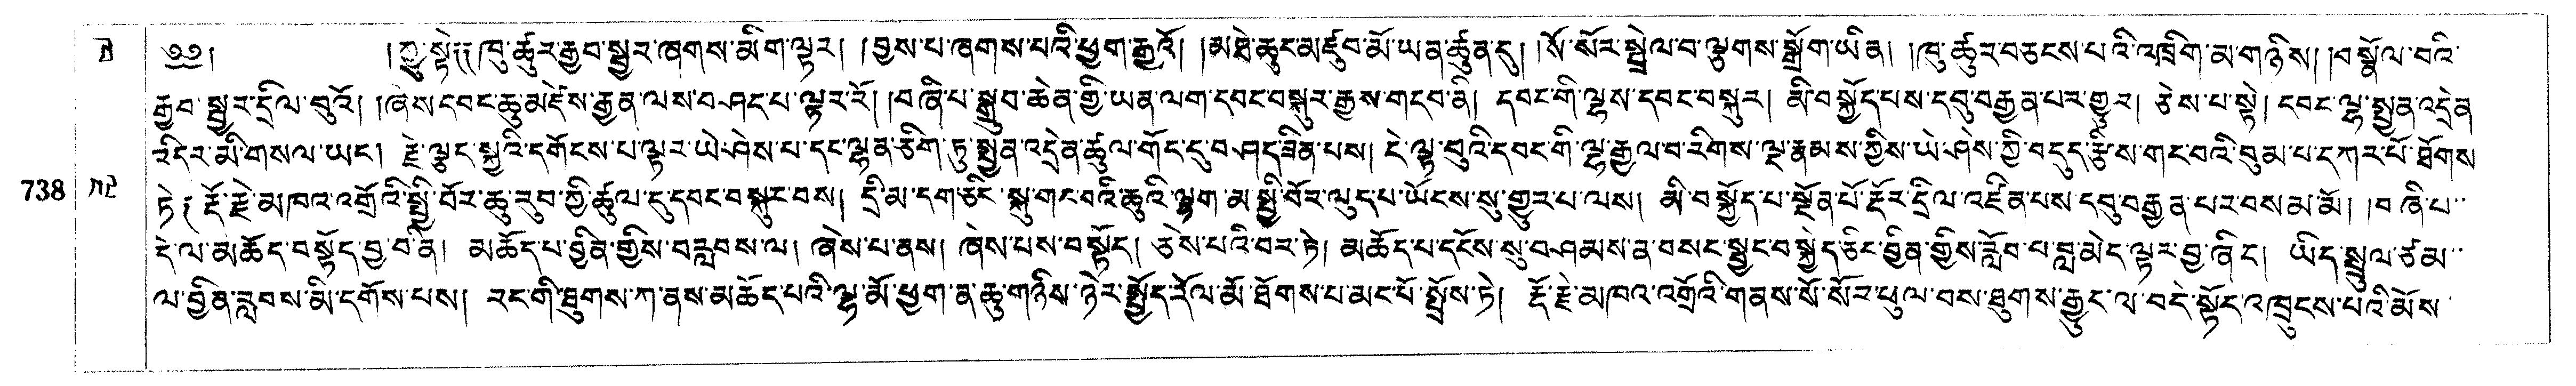༄༅། །ཀྱུ་སྟེ༑ ༑ཁུ་ཚུར་རྒྱབ་སྦྱར་ཞགས་མིག་ལྟར། །བྱས་པ་ཞགས་པའི་ཕྱག་རྒྱའོ། །མཐེ་ཆུང་མཛུབ་མོ་ཡན་ཚུན་དུ། །སོ་སོར་སྦྲེལ་བ་ལྕགས་སྒྲོག་ཡིན། །ཁུ་ཚུར་བཅངས་པའི་འཁྲིག་མ་གཉིས། །བསྣོལ་བའི་
རྒྱབ་སྦྱར་དྲིལ་བུའོ། །ཞེས་དབང་ཆུ་མཛེས་རྒྱན་ལས་བཤད་པ་ལྟར་རོ། །བཞི་པ་སྒྲུབ་ཆེན་གྱི་ཡན་ལག་དབང་བསྐུར་རྒྱས་གདབ་ནི། དབང་གི་ལྷས་དབང་བསྐུར། མི་བསྐྱོད་པས་དབུ་བརྒྱན་པར་གྱུར། ཅེས་པ་སྟེ། དབང་ལྷ་སྤྱན་འདྲེན་
འདིར་མི་གསལ་ཡང་། རྗེ་ལྕང་སྐྱའི་དགོངས་པ་ལྟར་ཡེ་ཤེས་པ་དང་ལྷན་ཅིག་ཏུ་སྤྱན་འདྲེན་ཚུལ་གོང་དུ་བཤད་ཟིན་པས། དེ་ལྟ་བུའི་དབང་གི་ལྷ་རྒྱལ་བ་རིགས་ལྔ་རྣམས་ཀྱིས་ཡེ་ཤེས་ཀྱི་བདུད་རྩིས་གང་བའི་བུམ་པ་དཀར་པོ་ཐོགས་
ཏེ༑ རྡོ་རྗེ་མཁའ་འགྲོའི་སྤྱི་བོར་ཆུ་རུབ་ཀྱི་ཚུལ་དུ་དབང་བསྐུར་བས། དྲི་མ་དག་ཅིང་སྐུ་གང་བའི་ཆུའི་ལྷག་མ་སྤྱི་བོར་ལུད་པ་ཡོངས་སུ་གྱུར་པ་ལས། མི་བསྐྱོད་པ་སྔོན་པོ་རྡོར་དྲིལ་འཛིན་པས་དབུ་བརྒྱན་པར་བསམ་མོ། །བཞི་པ་
དེ་ལ་མཆོད་བསྟོད་བྱ་བ་ནི། མཆོད་པ་བྱིན་གྱིས་བརླབས་ལ། ཞེས་པ་ནས། ཞེས་པས་བསྟོད། ཅེས་པའི་བར་ཏེ། མཆོད་པ་དངོས་སུ་བཤམས་ན་བསང་སྦྱང་བསྐྱེད་ཅིང་བྱིན་གྱིས་རློབ་པ་བླ་མེད་ལྟར་བྱ་ཞིང་། ཡིད་སྤྲུལ་ཙམ་
ལ་བྱིན་རླབས་མི་དགོས་པས། རང་གི་ཐུགས་ཀ་ནས་མཆོད་པའི་ལྷ་མོ་ཕྱག་ན་ཆུ་གཉིས་ཉེར་སྤྱོད་རོལ་མོ་ཐོགས་པ་མང་པོ་སྤྲོས་ཏེ། རྡོ་རྗེ་མཁའ་འགྲོའི་གནས་སོ་སོར་ཕུལ་བས་ཐུགས་རྒྱུད་ལ་བདེ་སྟོང་འཁྲུངས་པའི་མོས་